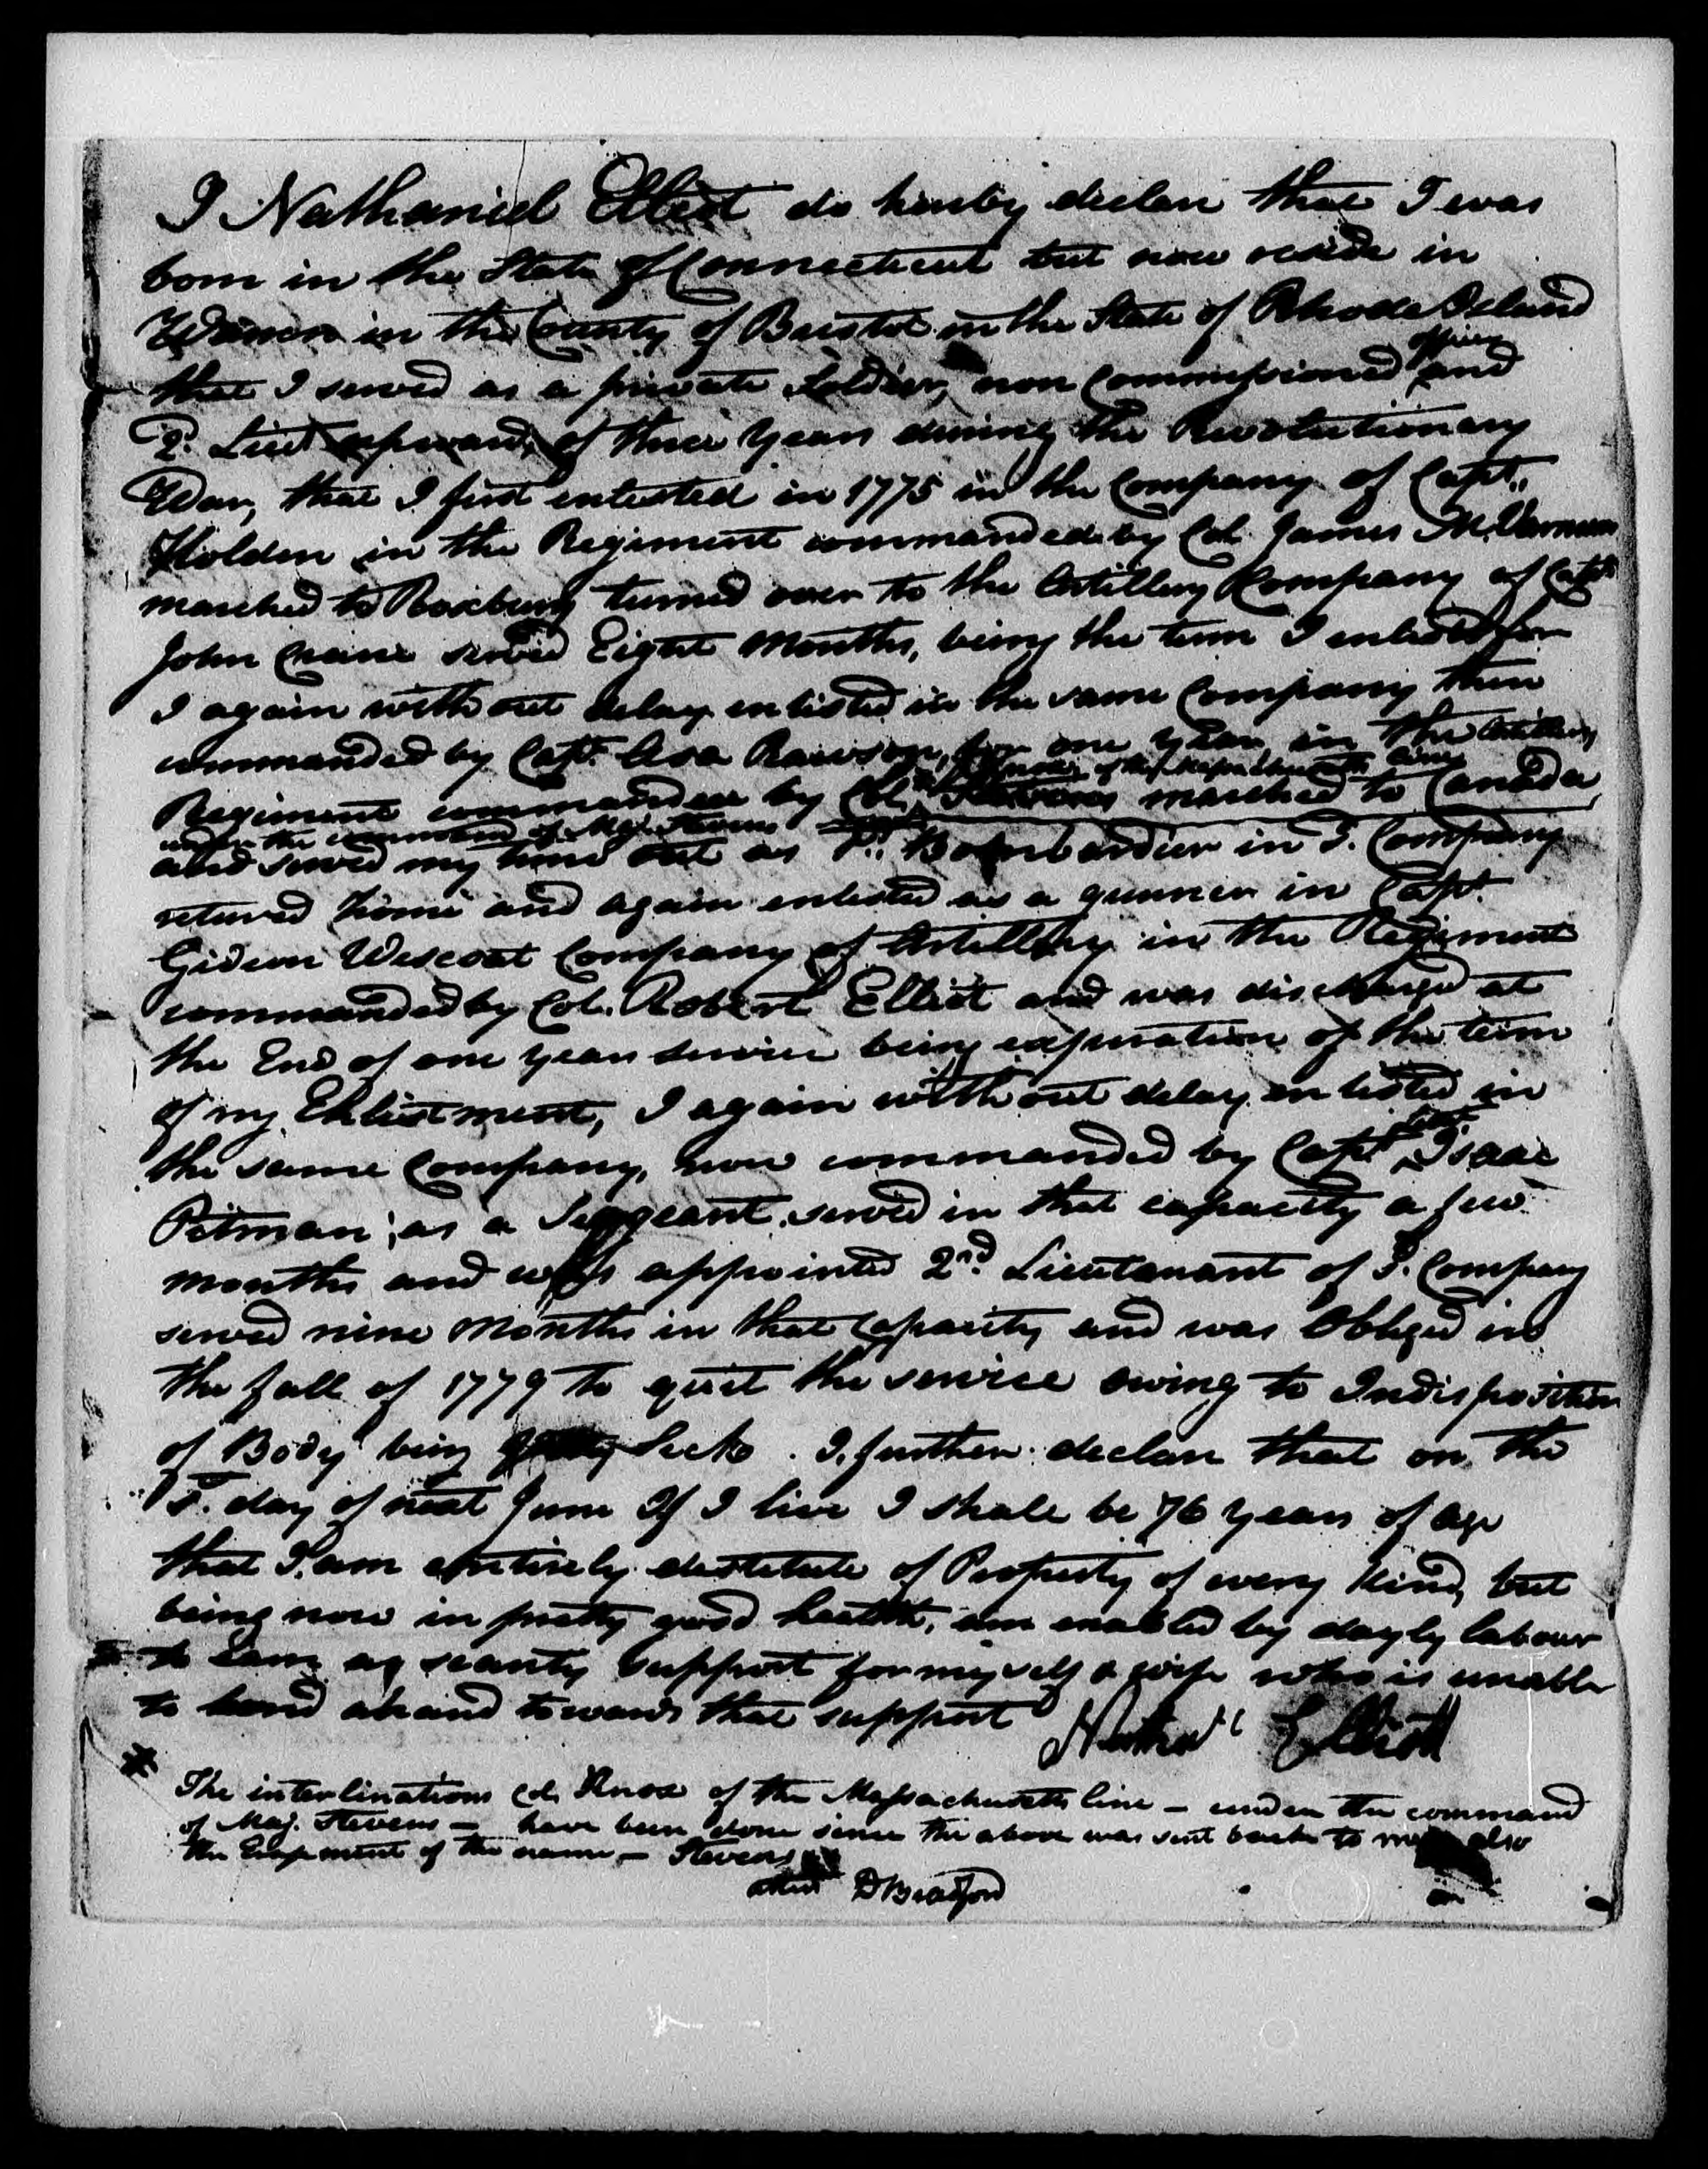I Nathaniel Elliot do hereby declare that I was born in the State of Connecticut but now reside in Warren in the County of Bristol in the State of Rhode Island that I served as a private soldier non commissioned officer and 2d Lieut upwards of three years serving the Revolutionary War, That I first enlisted in 1775 in the Company of Capt. Holden in the Regiment commanded by Col. James M. Varnum marched to Roxbury turned over to the Artillery Company of Capt. John crane served Eight months, being the time I enlisted for. I again without delay enlisted in the same Company then commanded by Capt. Asa Rawson, for one year in the Regiment commanded by [illegible] marched to Canada under the command of Mjr stevens and served my time out as [illegible] Bombardier in sd. Company returned home and again enlisted as a gunner in Capt. Gideon Wescoat Company of Artillary in the Regiment commanded by Col. Robert Elliot and was discharged at the End of one years service being expiration of the time of my Enlistment, I again without delay enlisted in the same Company, now commanded by Cat. Isaac Pitman; as a Sergeant served in that capacity a few months and was appointed 2nd Lieutenant of sd Company served nine months in that capacity ans was obliged in the fall of 1779 to quit the service owing to Indisposition of Body being [illegible] I further declare that on the 1st day of next June If I live I shall be 76 years of age that I am entirely destitute of Property of every kind, but being now in pretty good health, am enabled by dayly labour to earn a scanty support for myself & wife who is unable to lend a hand towards that support Nathanl Elliott
The Interlinations Col. Knox of the Massachusetts line - under the command of Maj. Stevens - have been done since the above was sent bakc to me also the Regiment of the same - Stevens attest D. Gradford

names: Asa Rawson, Stevens, D Bradford, Stevens, Knox, Robert Elliot, Stevens, Elliot, Nathal Elliott, Isaac Pitman, James M Varnum, John Crane, Stevens, Nathaniel Elliot, Knox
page: 21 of 29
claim: survivor's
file: S. 38679, Nathaniel Elliot, Continental R.I.